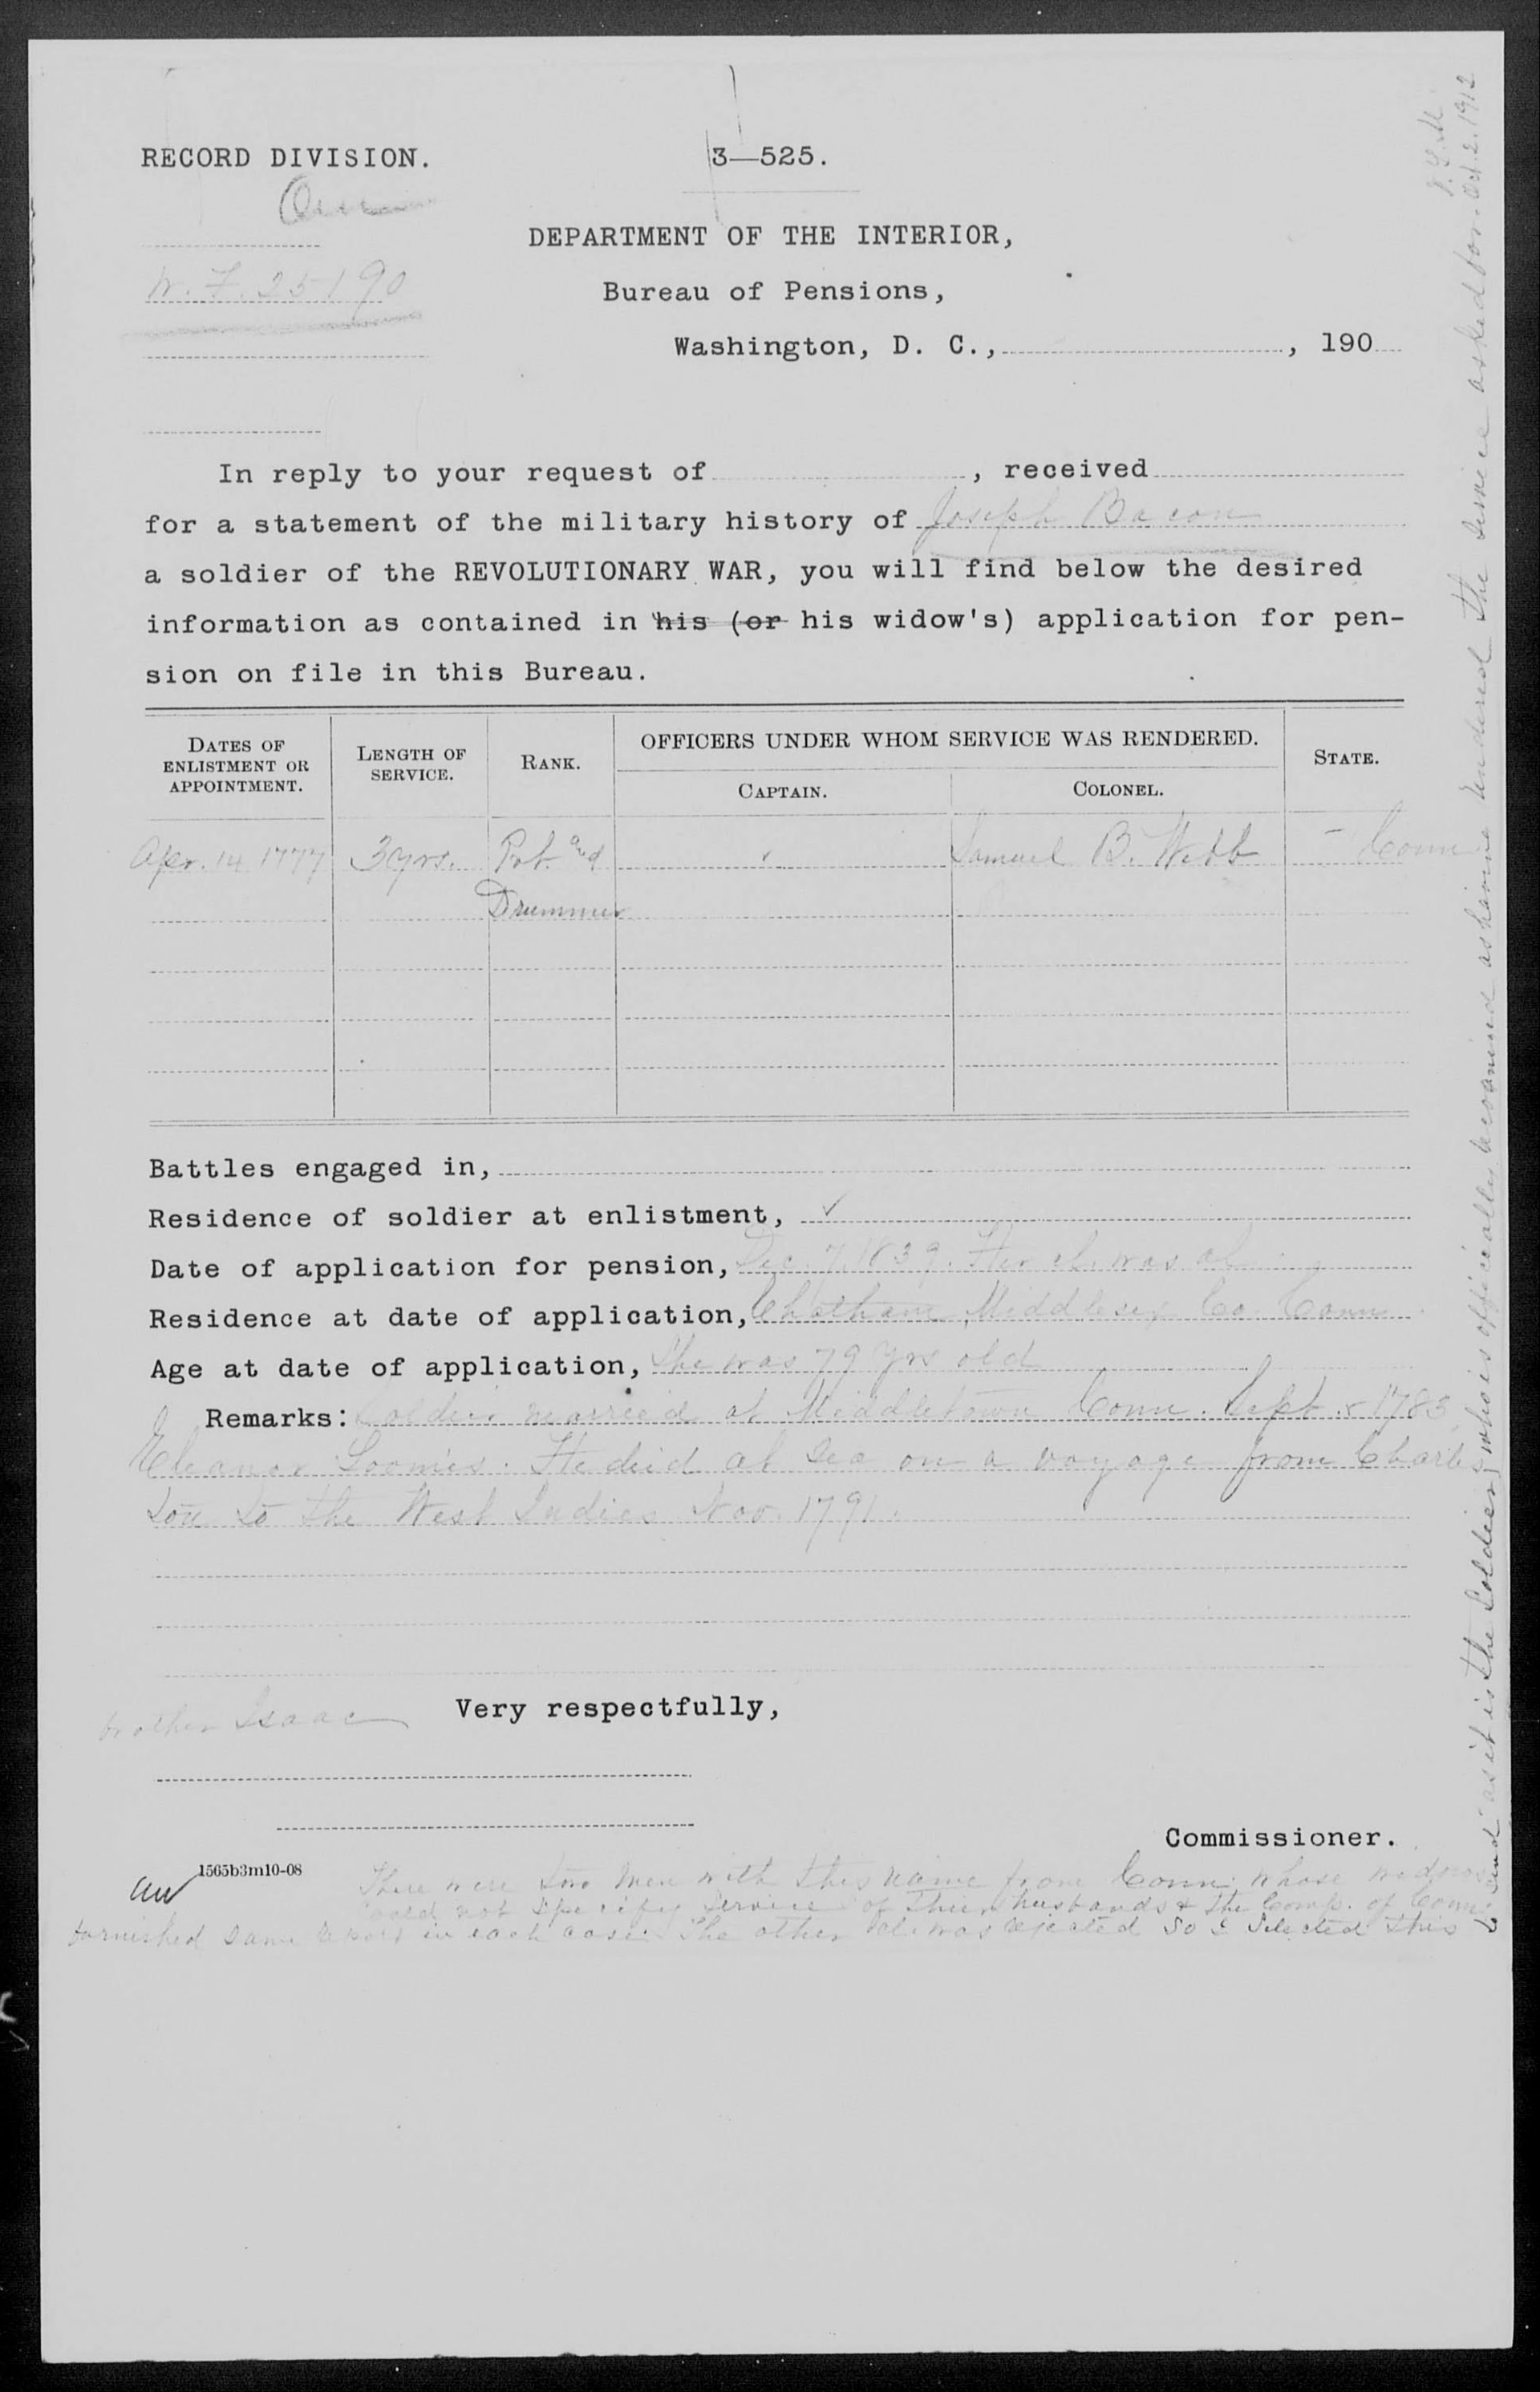RECORD DIVISION
3-525
DEPARTMENT OF THE INTERIOR,
Bureau of Pension, 
Washing, D. C. , _____________. 190__

In reply to your request of _________, received _________ for a statement of the military history of "Joseph Bacon"  a soldier of the REVOLUTIONARY WAR, you will find below the desired information as contained in his widow's application for pension on file in this Bureau.
Dates of Enlistment or Appoinitment. "Apr 14, 1777"
Length of Service.  "3 years"
Rank. "Pvt & Drummer"
OFFICERS UNDER WHOM SERVICE WAS RENDERED
Captain. (no entry)
Colonel. "Samuel B. Webb
State. "Conn"

Battles engaged in, (no entry)
Residence of soldier at enlistment, "√"
Date of application for pension, "Dec 7, 1839. Her cl(aim) was al(lowed"
Residence at date of application "Chatham, Middlesex Co., Conn"
Age at date of application "She was 79 yrs old"
Remarks: "Soldier married at Middletown Conn. Sept 5, 1783 Eleanor Loomis.  He died at Sea on a voyage from Charleston to the West Indies Nov. 1791."
"brother Isaac"
Very respectfully,
Commissioner

"There were two men with this name from Conn. whose widows Could not specity Service of Their husbands & the Comptroller of Connecticut furnished same report in each case.  The other claim was rejected so I selected this to send as it is the soldier who is officially recognized as having  endured the service asked for. Oct. 2, 1912. F. Y.U. "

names: Samuel B Webb, Joseph Bacon, Isaac Grother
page: 10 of 24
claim: widow's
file: W. 25190, Joseph Bacon, Continental (Conn)